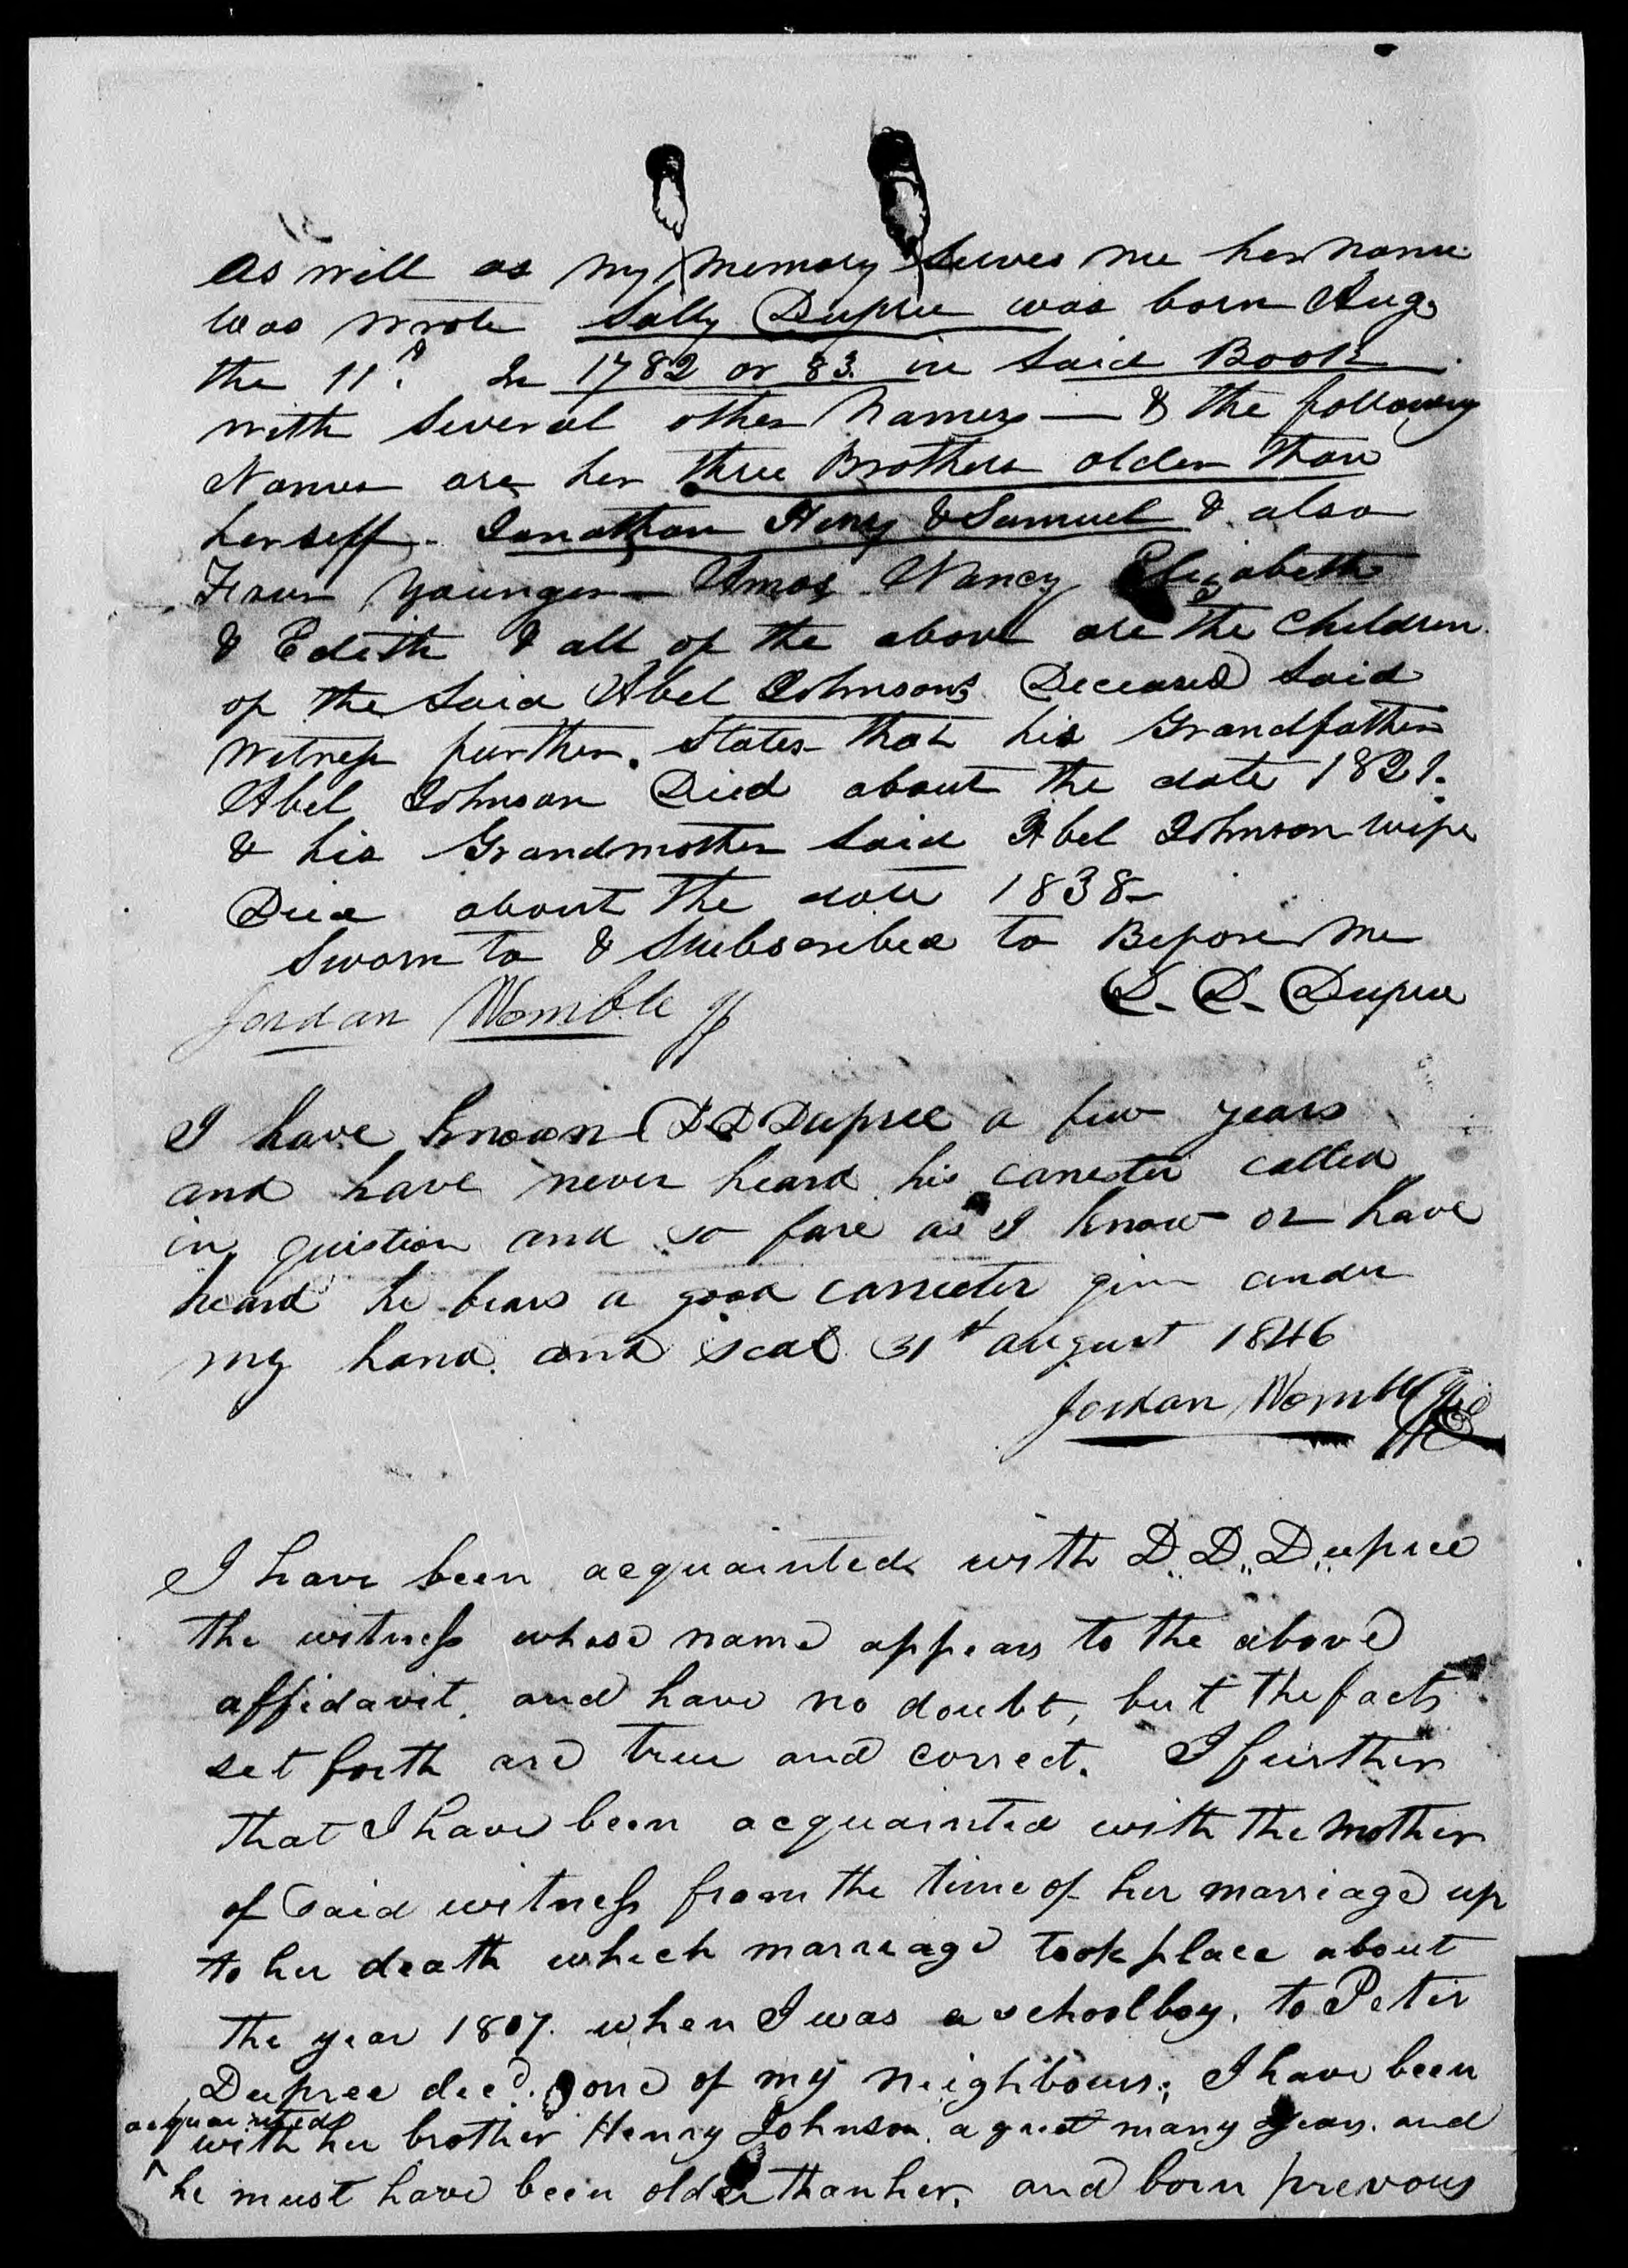as well as my memory serves me her name was wrote Sally Dupree was born Aug. the 11th  in 1782 or 1783 in Said Book with Several other Names – and the following Names are her three Brothers older than herself, Jonathan Henry and Samuel and also Four younger Amos Nancy Elizabeth and Edith and all of the above all the children of the said Abel Johnson,  Deceased   Said Witness further states that his Grandfather Abel Johnson died about the date 1829 and his Grandmother said Abel Johnson wife Died about the date 1838 --- D.D. Dupree
Sworn to and subscribed to before me Jordan Womble JP   
I have known D D Dupree a few years and have never heard his carrecter [character] called in question and so far as I know or have heard he bears a good carrecter given under my hand and seal 31 August 1846 Jordan Womble  [seal]      
I have been acquainted with D.D. Dupree the witness whose name appears to the above affidavit and have no doubt, but the facts set forth are true and correct. And further that I have been acquainted with the mother of said witness from the time of her marriage up to her death which marriage took place about the year 1807 when I was a school boy to Peter Dupree deceased one of my neighbours; I have been acquainted with her brother Henry Johnson, a great many years and he must have been older thanker, and born previous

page: 11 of 74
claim: rejected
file: R. 5600, for Abel Johnson, North Carolina